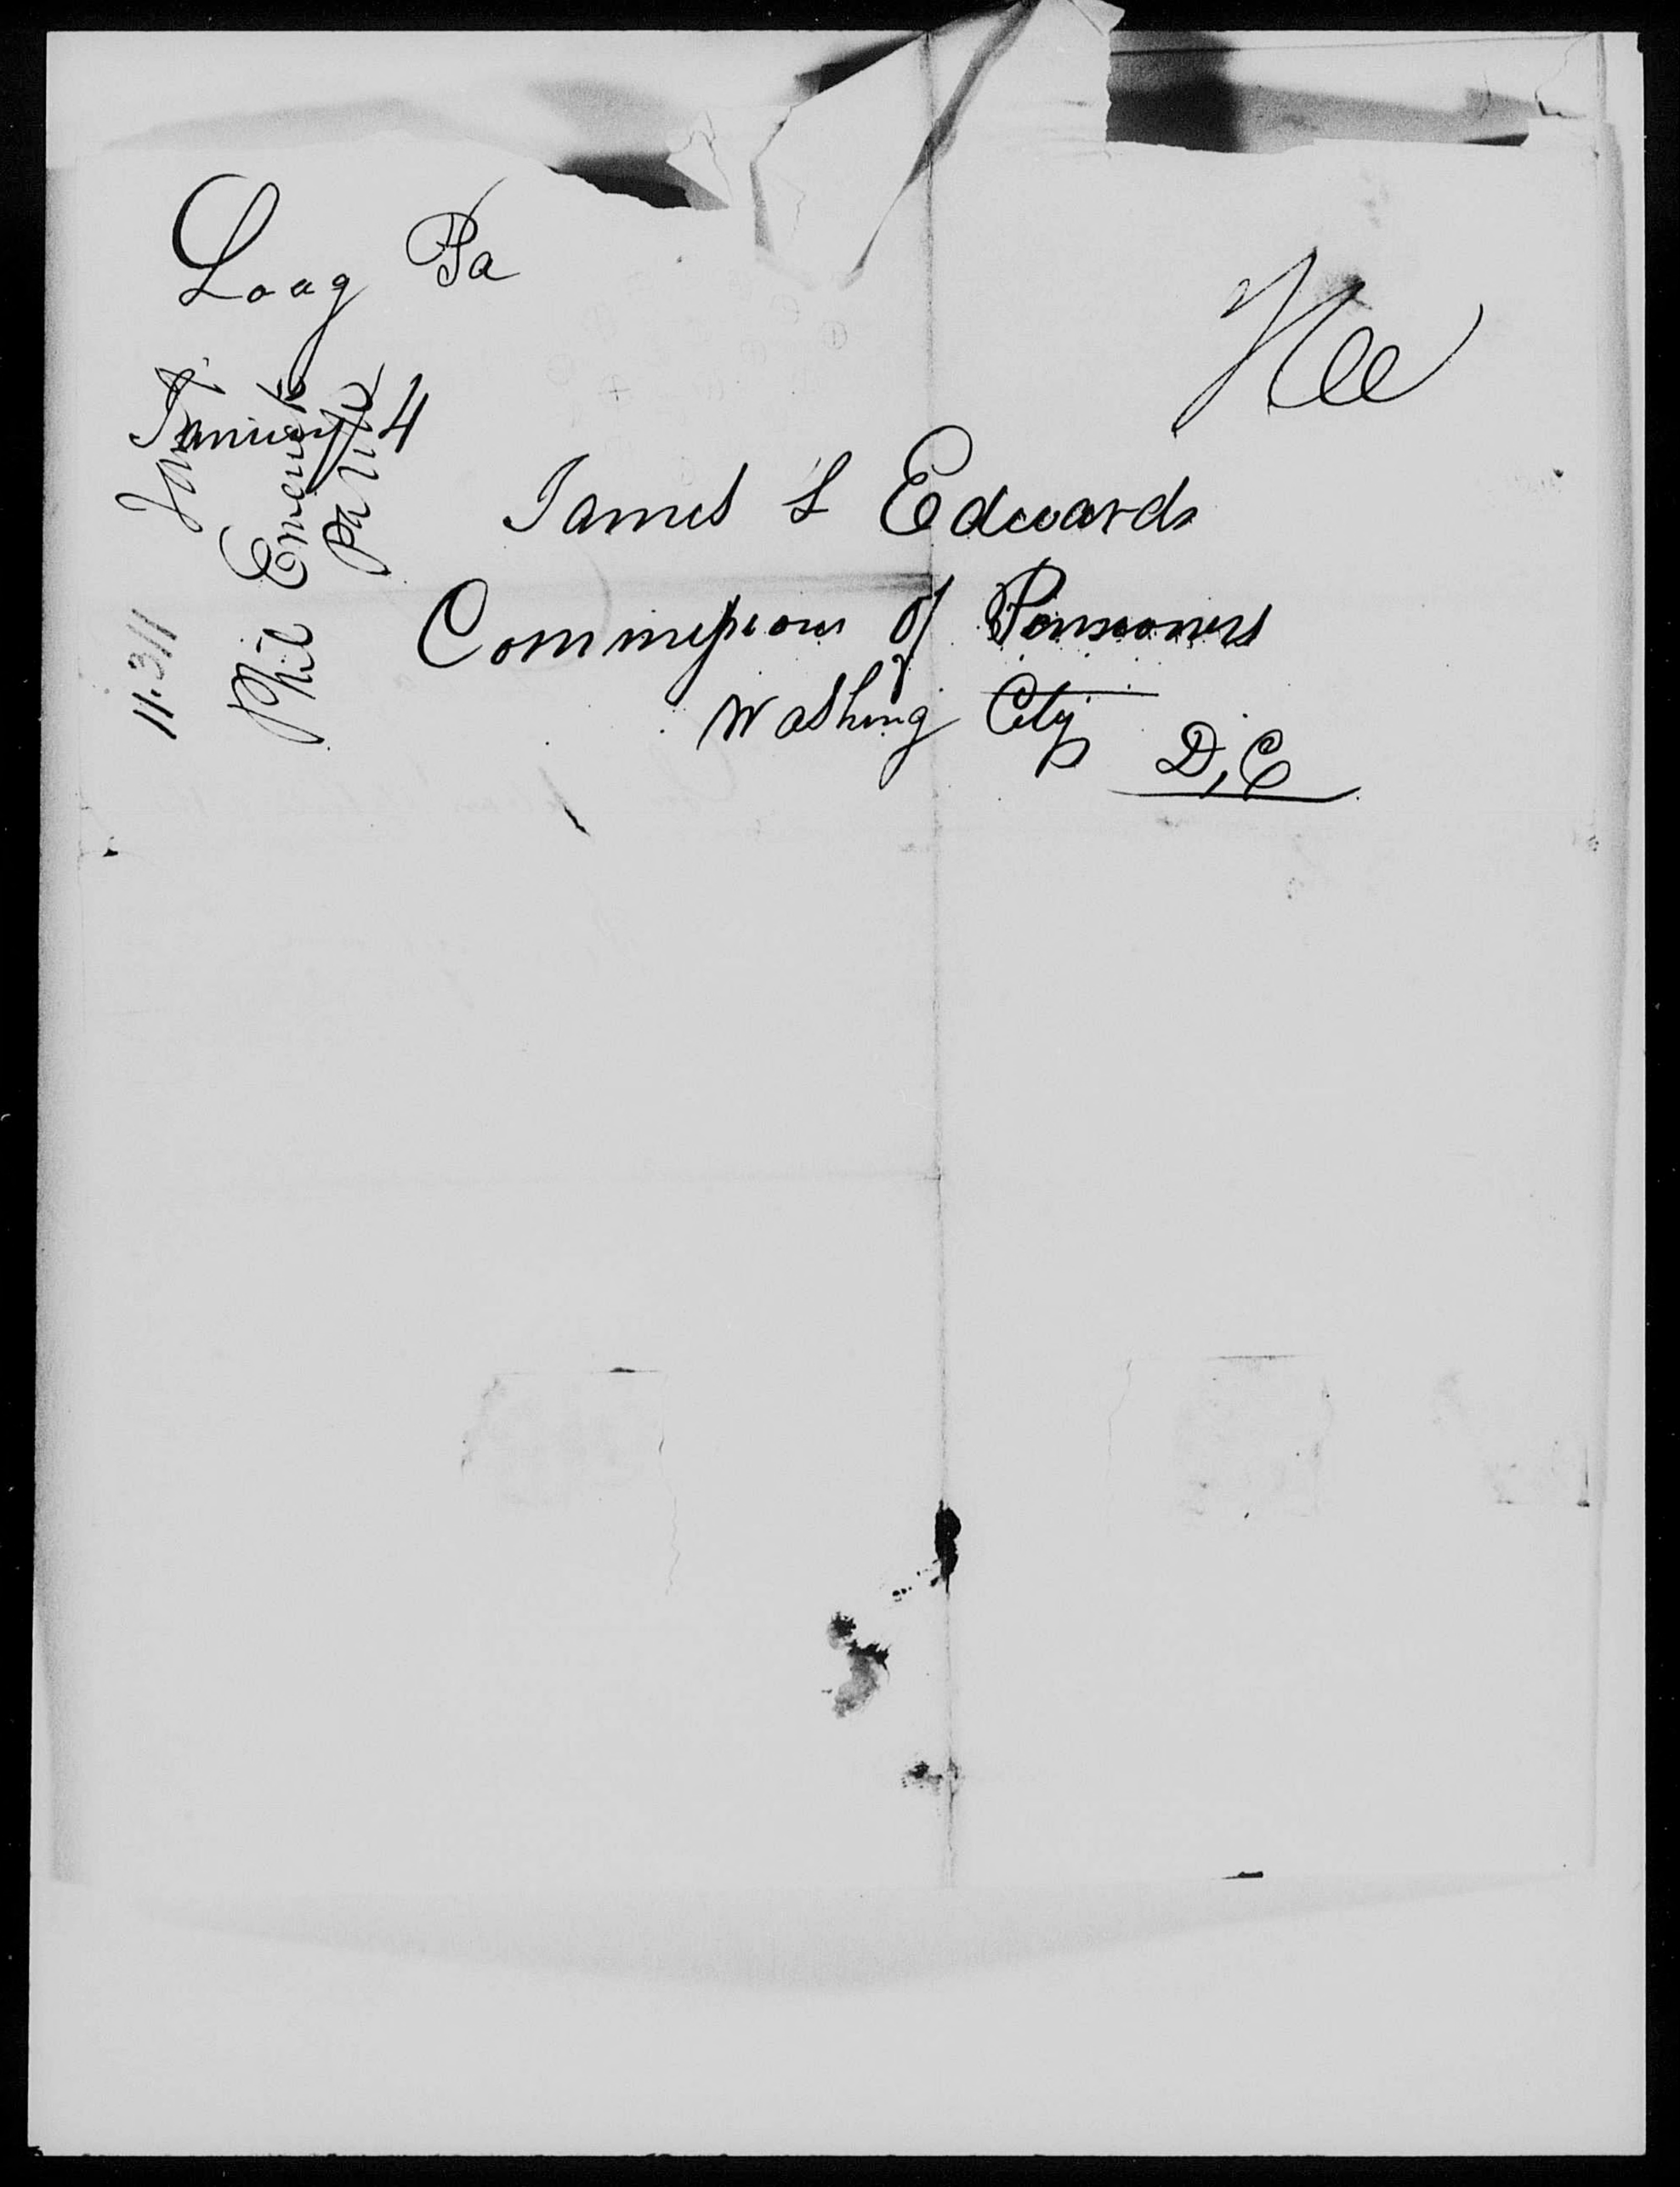Loag Pa
January 4

James L Edwards
Commissioner of Pensions
Washing City DC

[begin vertical text]
11.311 Jan [illegible]
Phil Emerick
pa [illegible]
[end vertical text]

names: Phil Emerick, James L Edwards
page: 28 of 29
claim: survivor's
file: S. 23618, Philip Emerick, Penn.